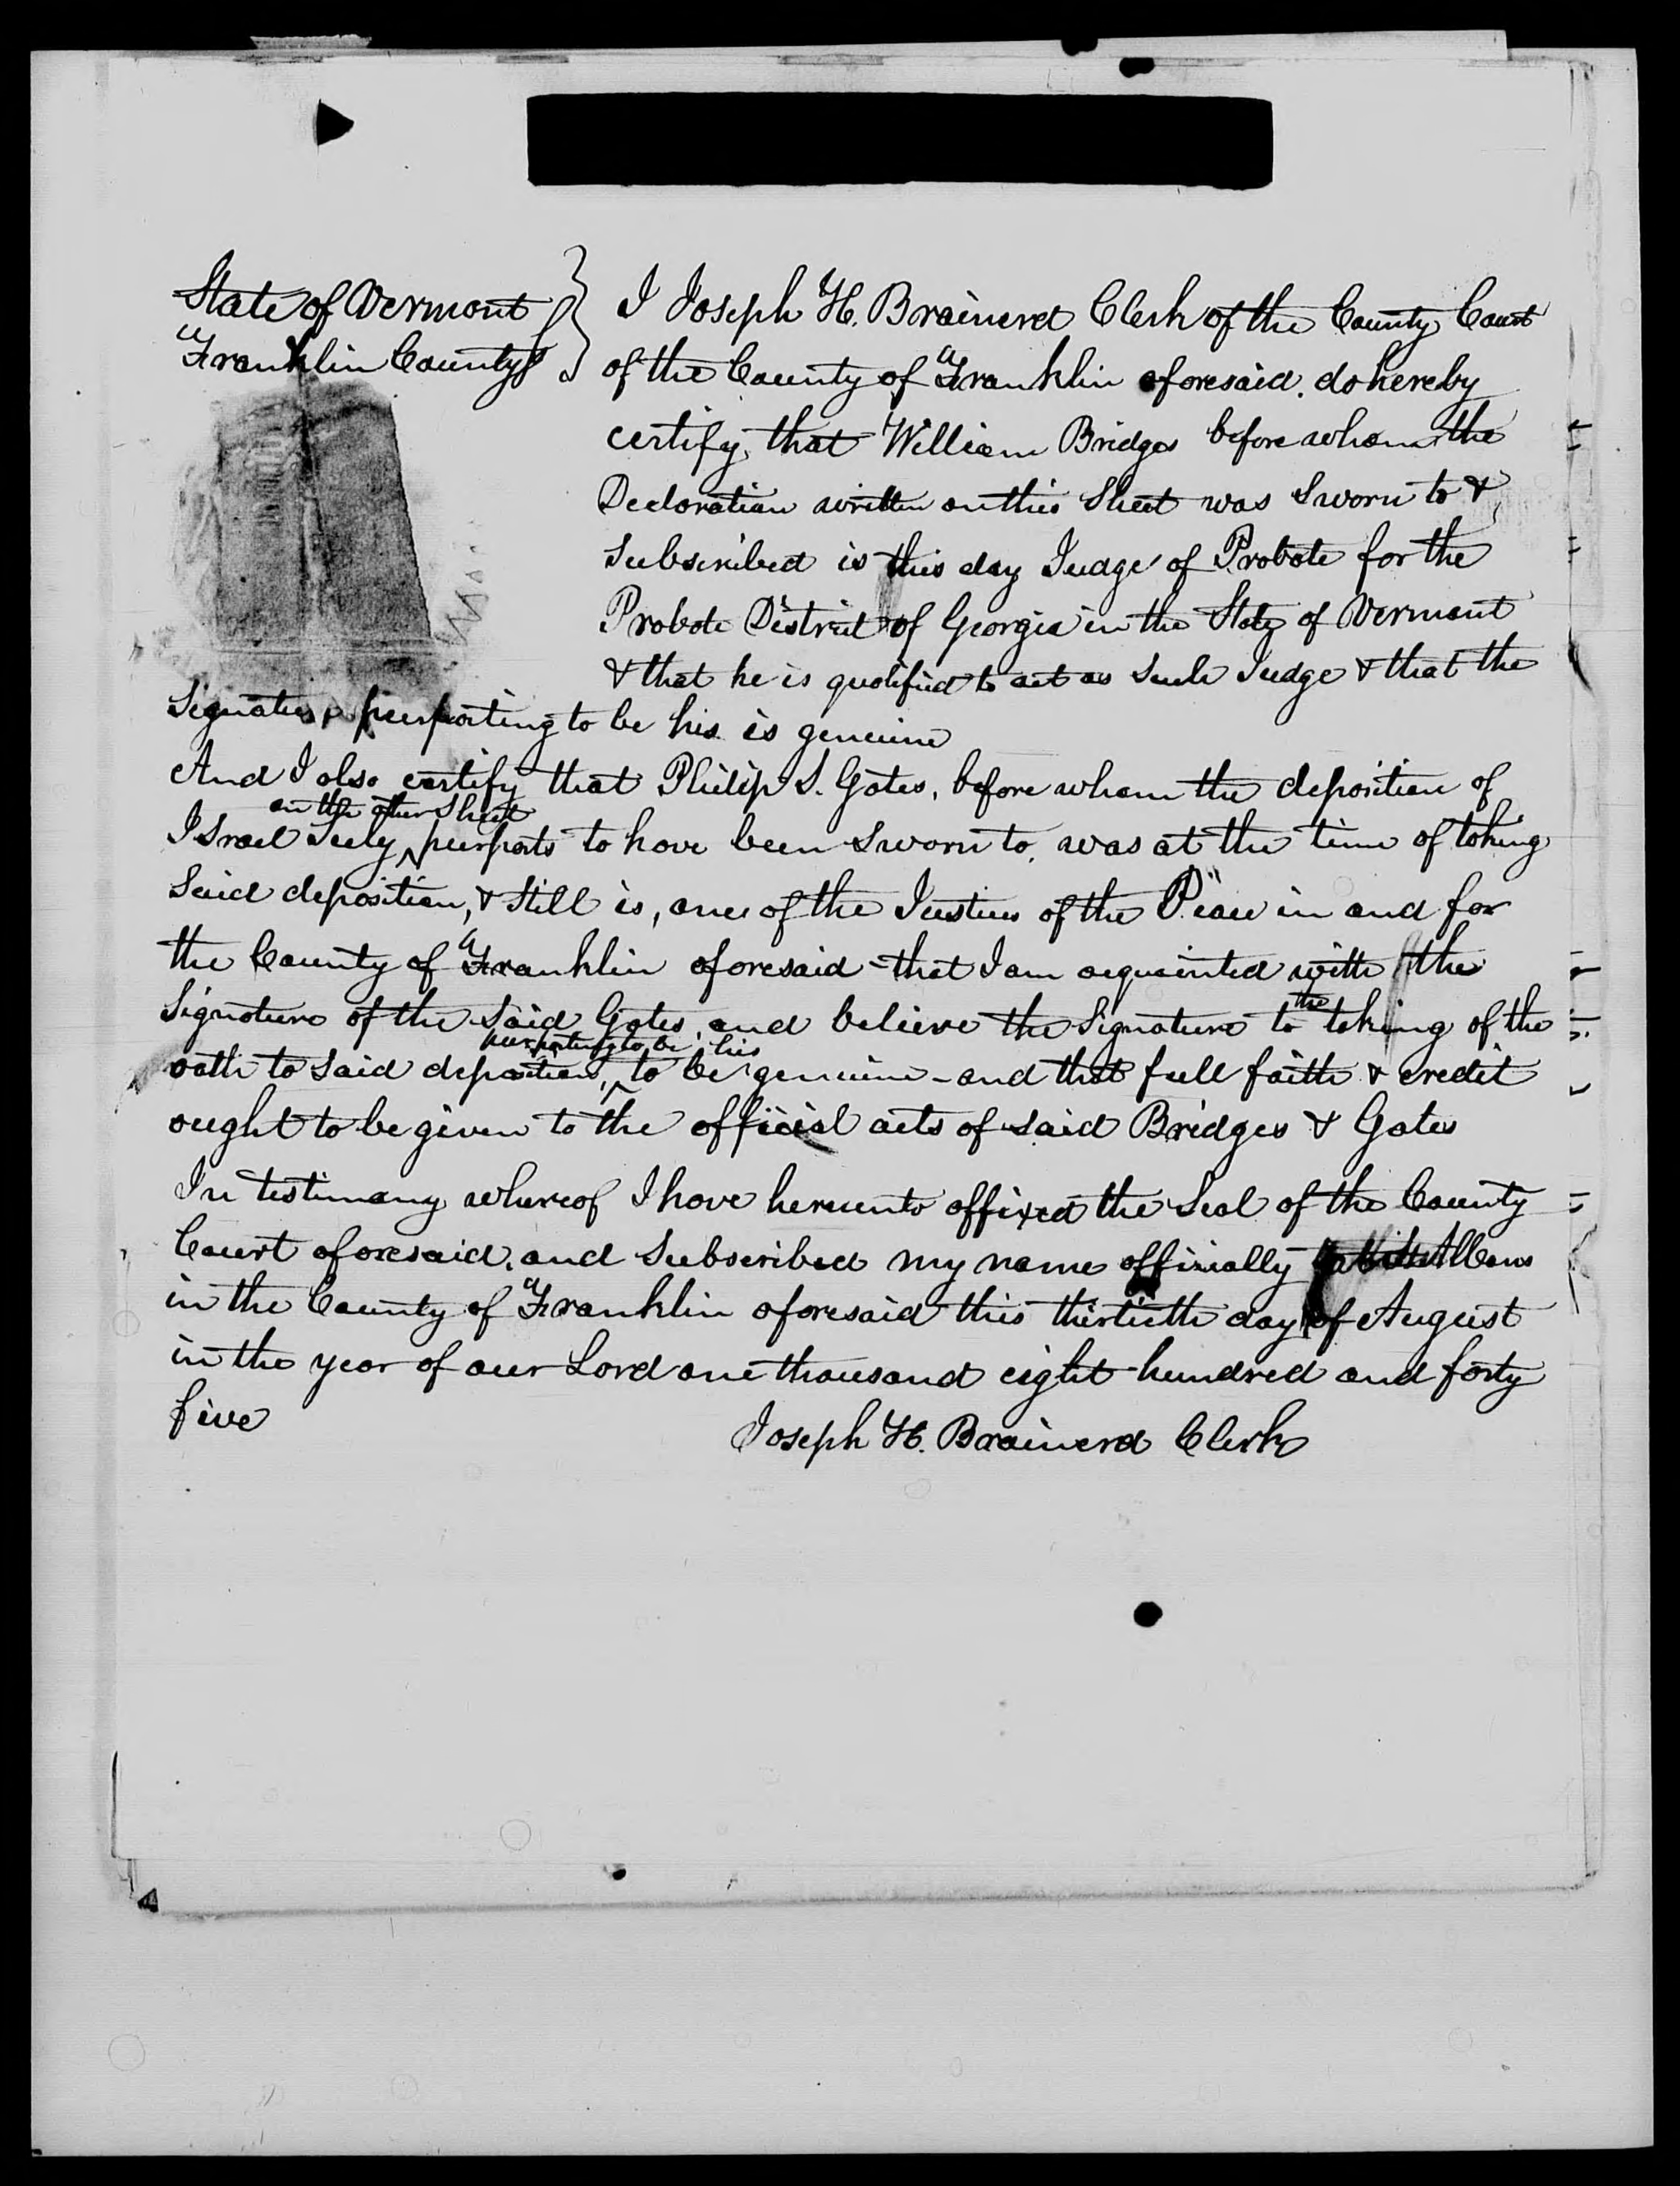State of Vermont  Franklin County ss
I Joseph H. Brainerd Clerk of the County Court
of the County of Franklin aforesaid do hereby
certify that William Bridges before whom the
Declaration written on this sheet was sworn to &
Subscribed is this day Judge of Probate for the
Probate District of Georgia in the State of Vermont
& that he is qualified to act as such Judge & that the
 signature purporting to be his is genuine.
And I also certify that Philip S. Gates, before whom the deposition of Israel Seely on the other sheet purports
to have been sworn to was at the time of taking
said deposition, & still is, one of the Justice of the Peace in and for
the County of Franklin aforesaid. That I am acquainted with the
Signature of the said Gates, and believe the signature to the taking of the
oath to said deponent purporting to be his to be genuine, and that full faith & credit
ought to be given to the official acts of said Bridges & Gates.
In testimony whereof I have hereunto affixed the Seal of the County
Court aforesaid, and subscribed my name officially [illegible]
in the County of Franklin aforesaid this thirtieth day of August
in the year of our Lord one thousand eight hundred and forty
five
Joseph H. Brainerd Clerk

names: Israel Seely; William Bridges; Joseph H Brainerd; Philip S Gates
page: 20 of 99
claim: widow's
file: W. 24,482, for Richard Lattin, Vermont